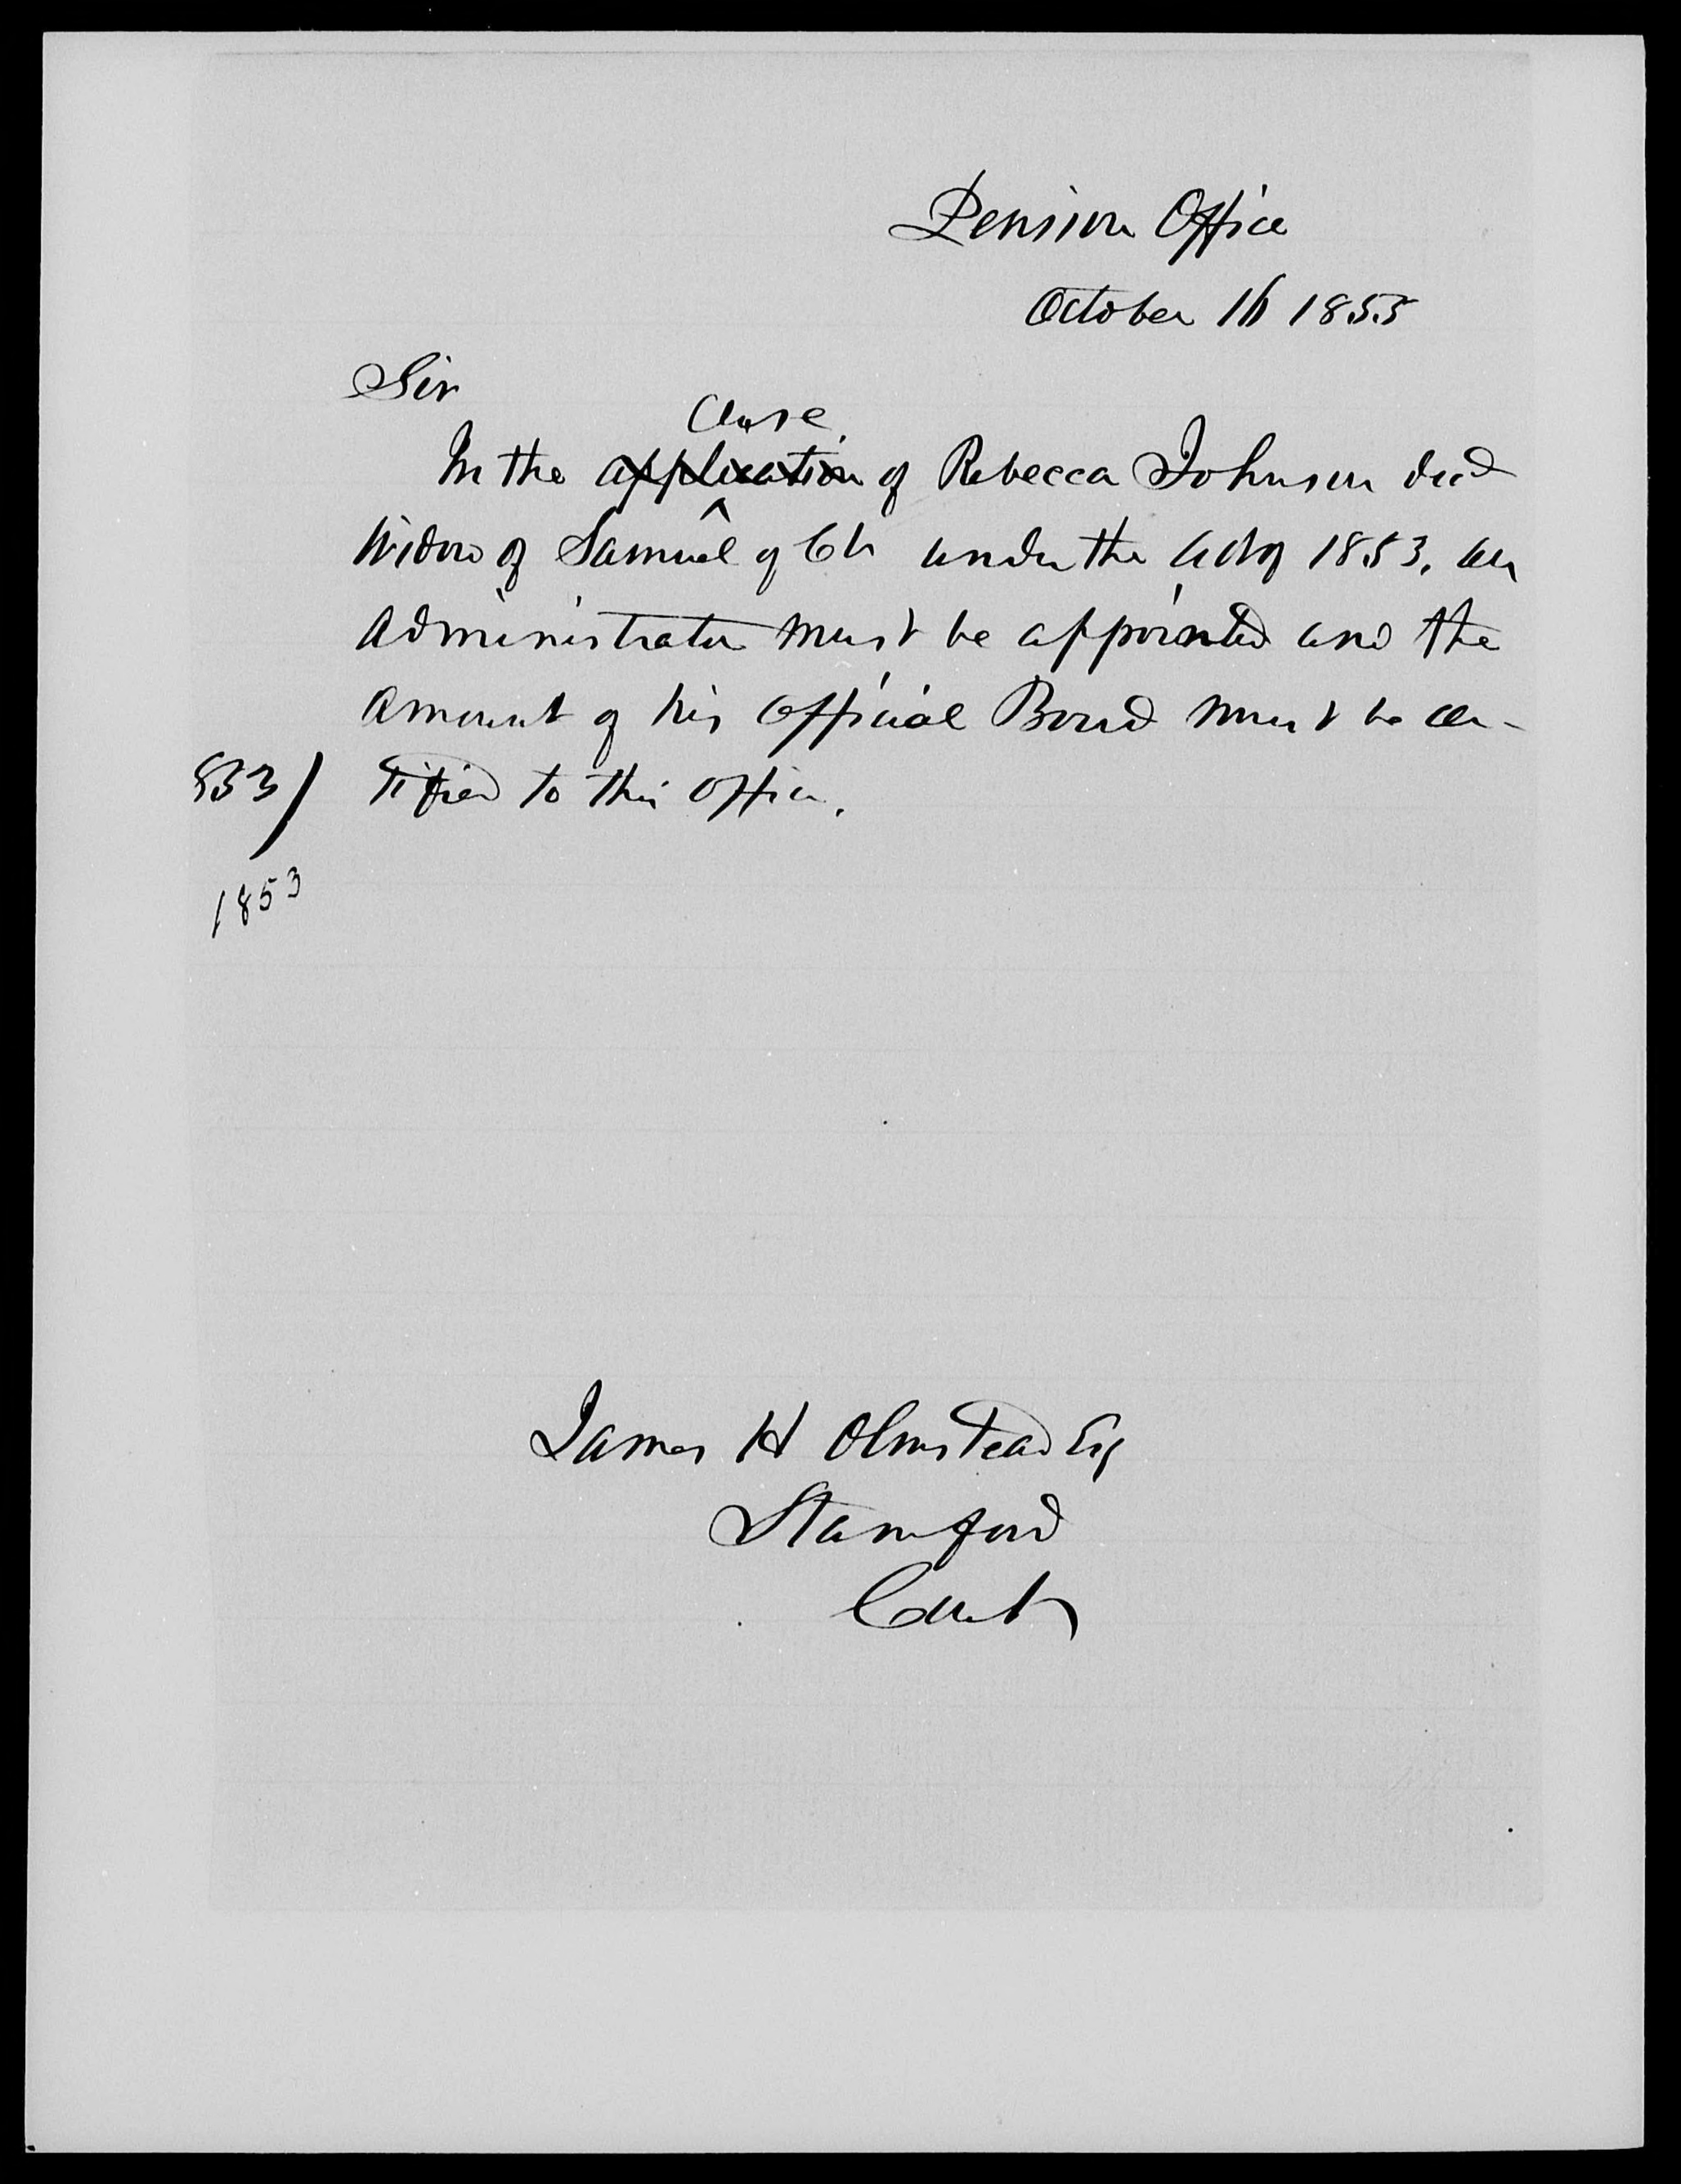Pension Office October 16 1853 
Sir
In the case of Rebecca Johnson decd Widow of Samuel of Ct under the Act of 1853, an administrator must be appointed and the amount of his official Bond must be certified to this office.  
833
1853
James H Olmstead Esq
Stanford  Connt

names: Samuel [BLANK]; James H Olmstead; Rebecca Johnson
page: 28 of 43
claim: rejected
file: R. 5655, for Samuel Johnson, Connecticut